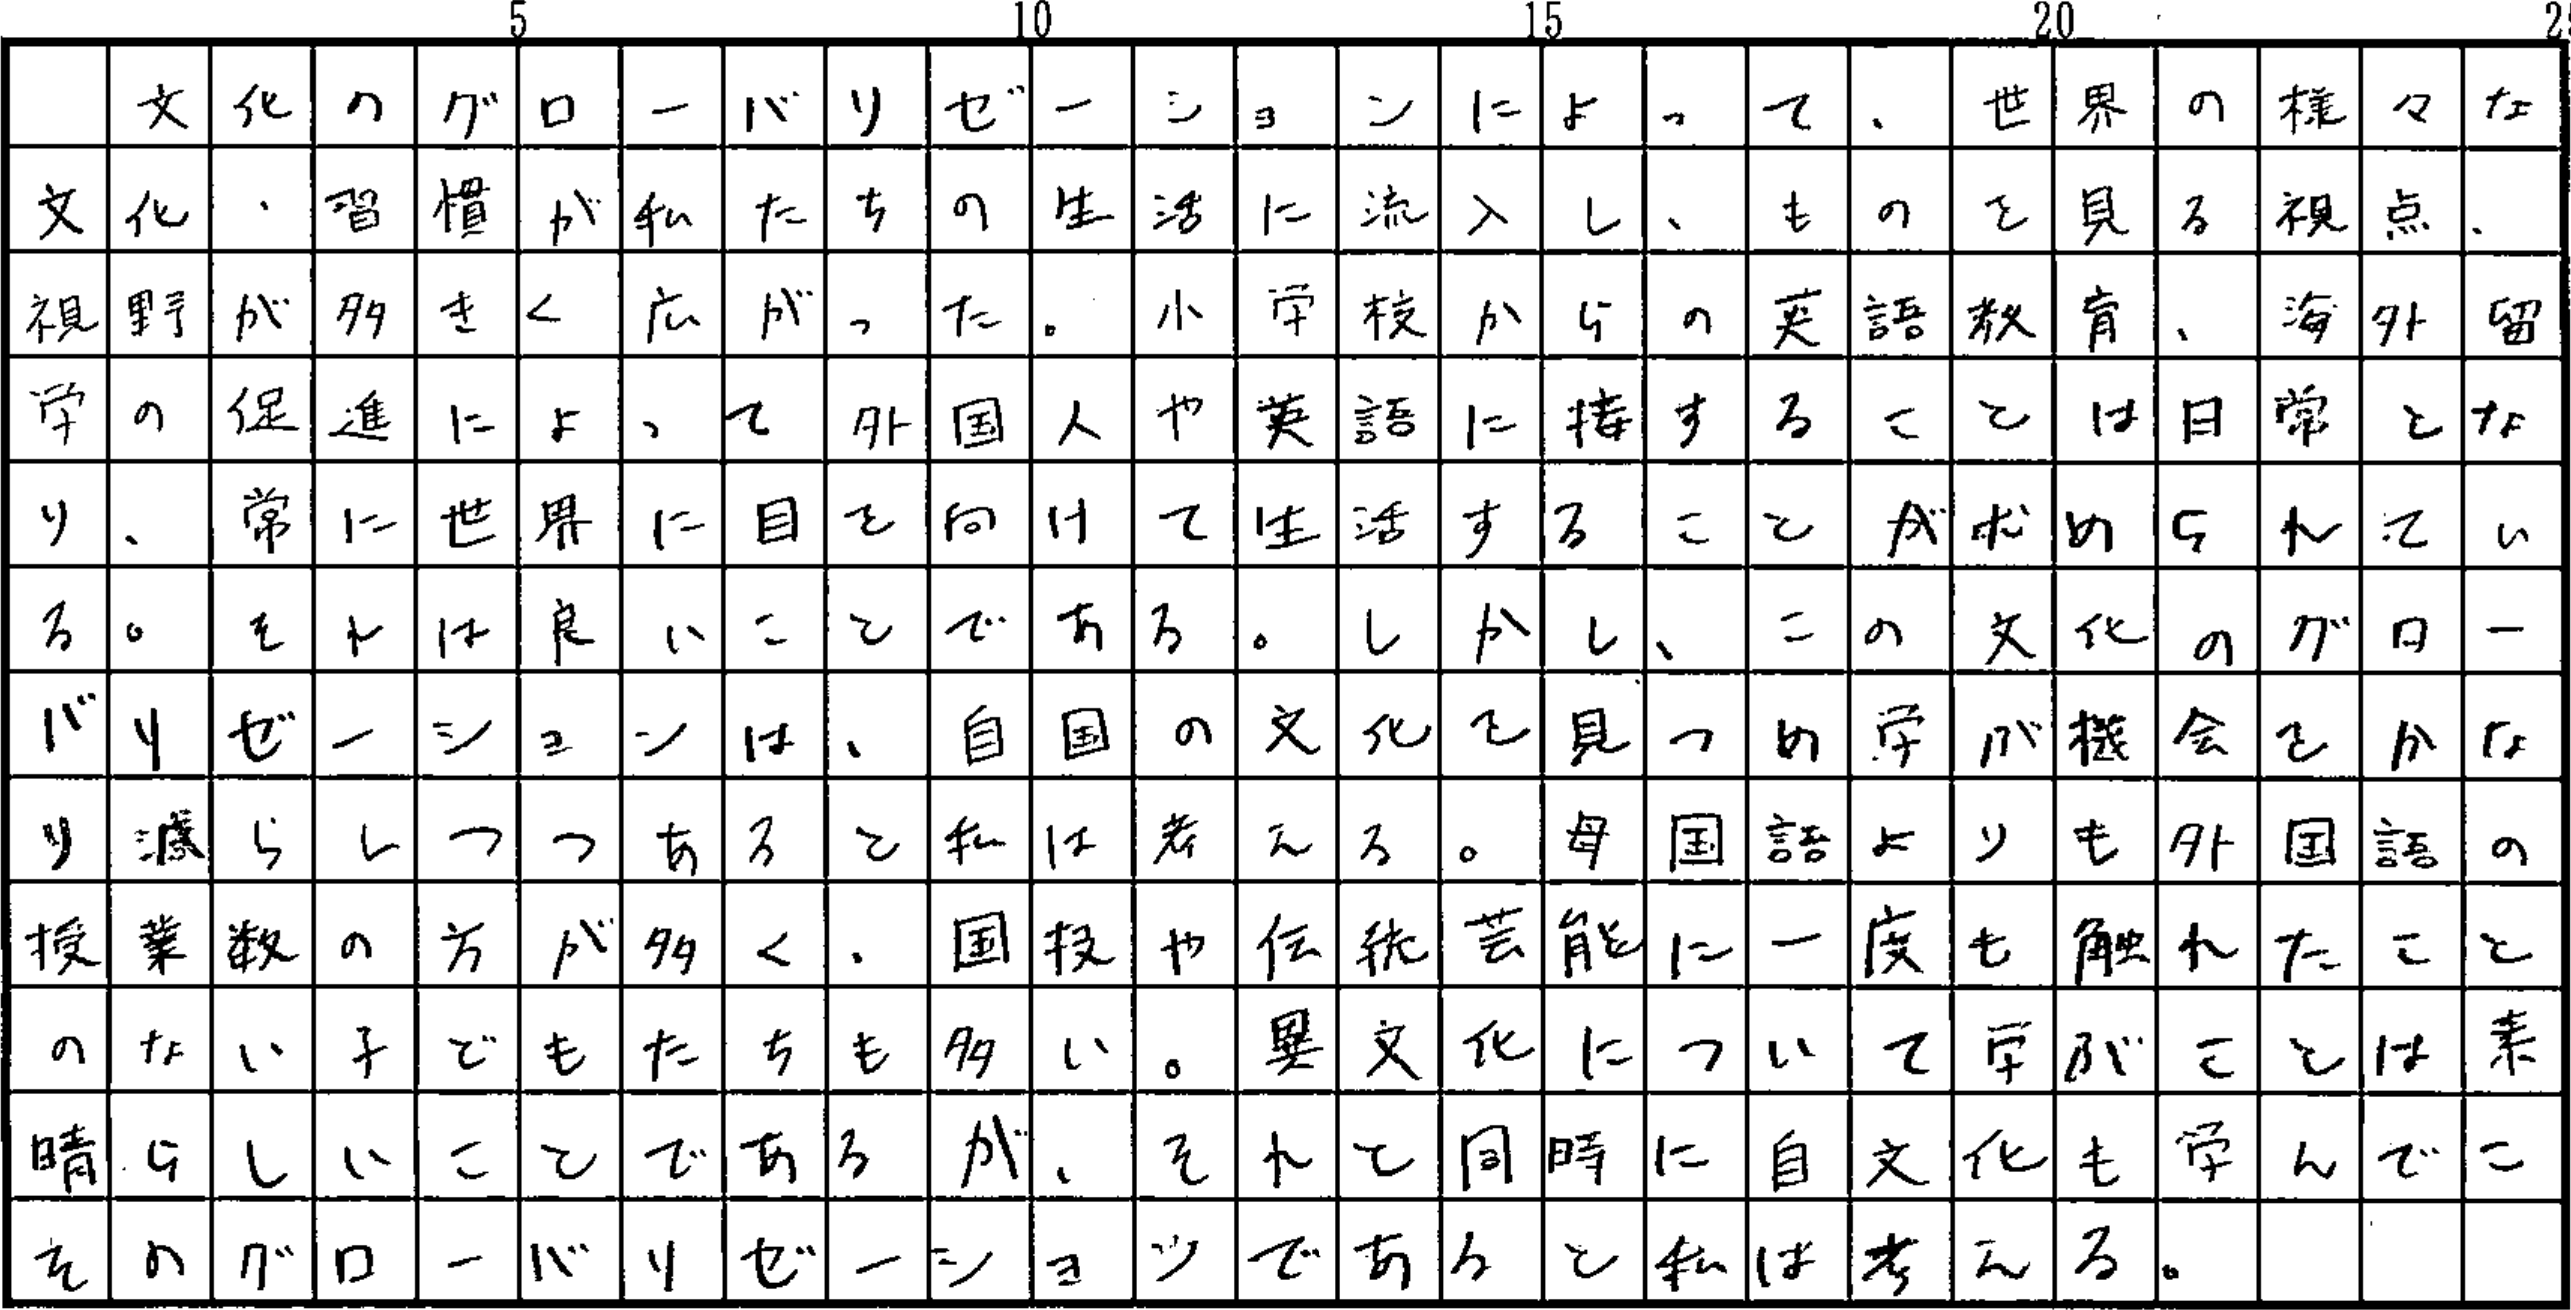　文化のグローバリゼーションによって、世界の様々な文化・習慣が私たちの生活に流入し、ものを見る視点、視野が多きく広がった。小学校からの英語教育、海外留学の促進によって外国人や英語に接することは日常となり、常に世界に目を向けて生活することが求められている。それは良いことである。しかし、この文化のグローバリゼーションは、自国の文化を見つめ学ぶ機会をかなり減らしつつあると私は考える。母国語よりも外国語の授業数の方が多く、国技や伝統芸能に一度も触れたことのない子どもたちも多い。異文化について学ぶことは素晴らしいことであるが、それと同時に自文化も学んでこそのグローバリゼーションであると私は考える。
